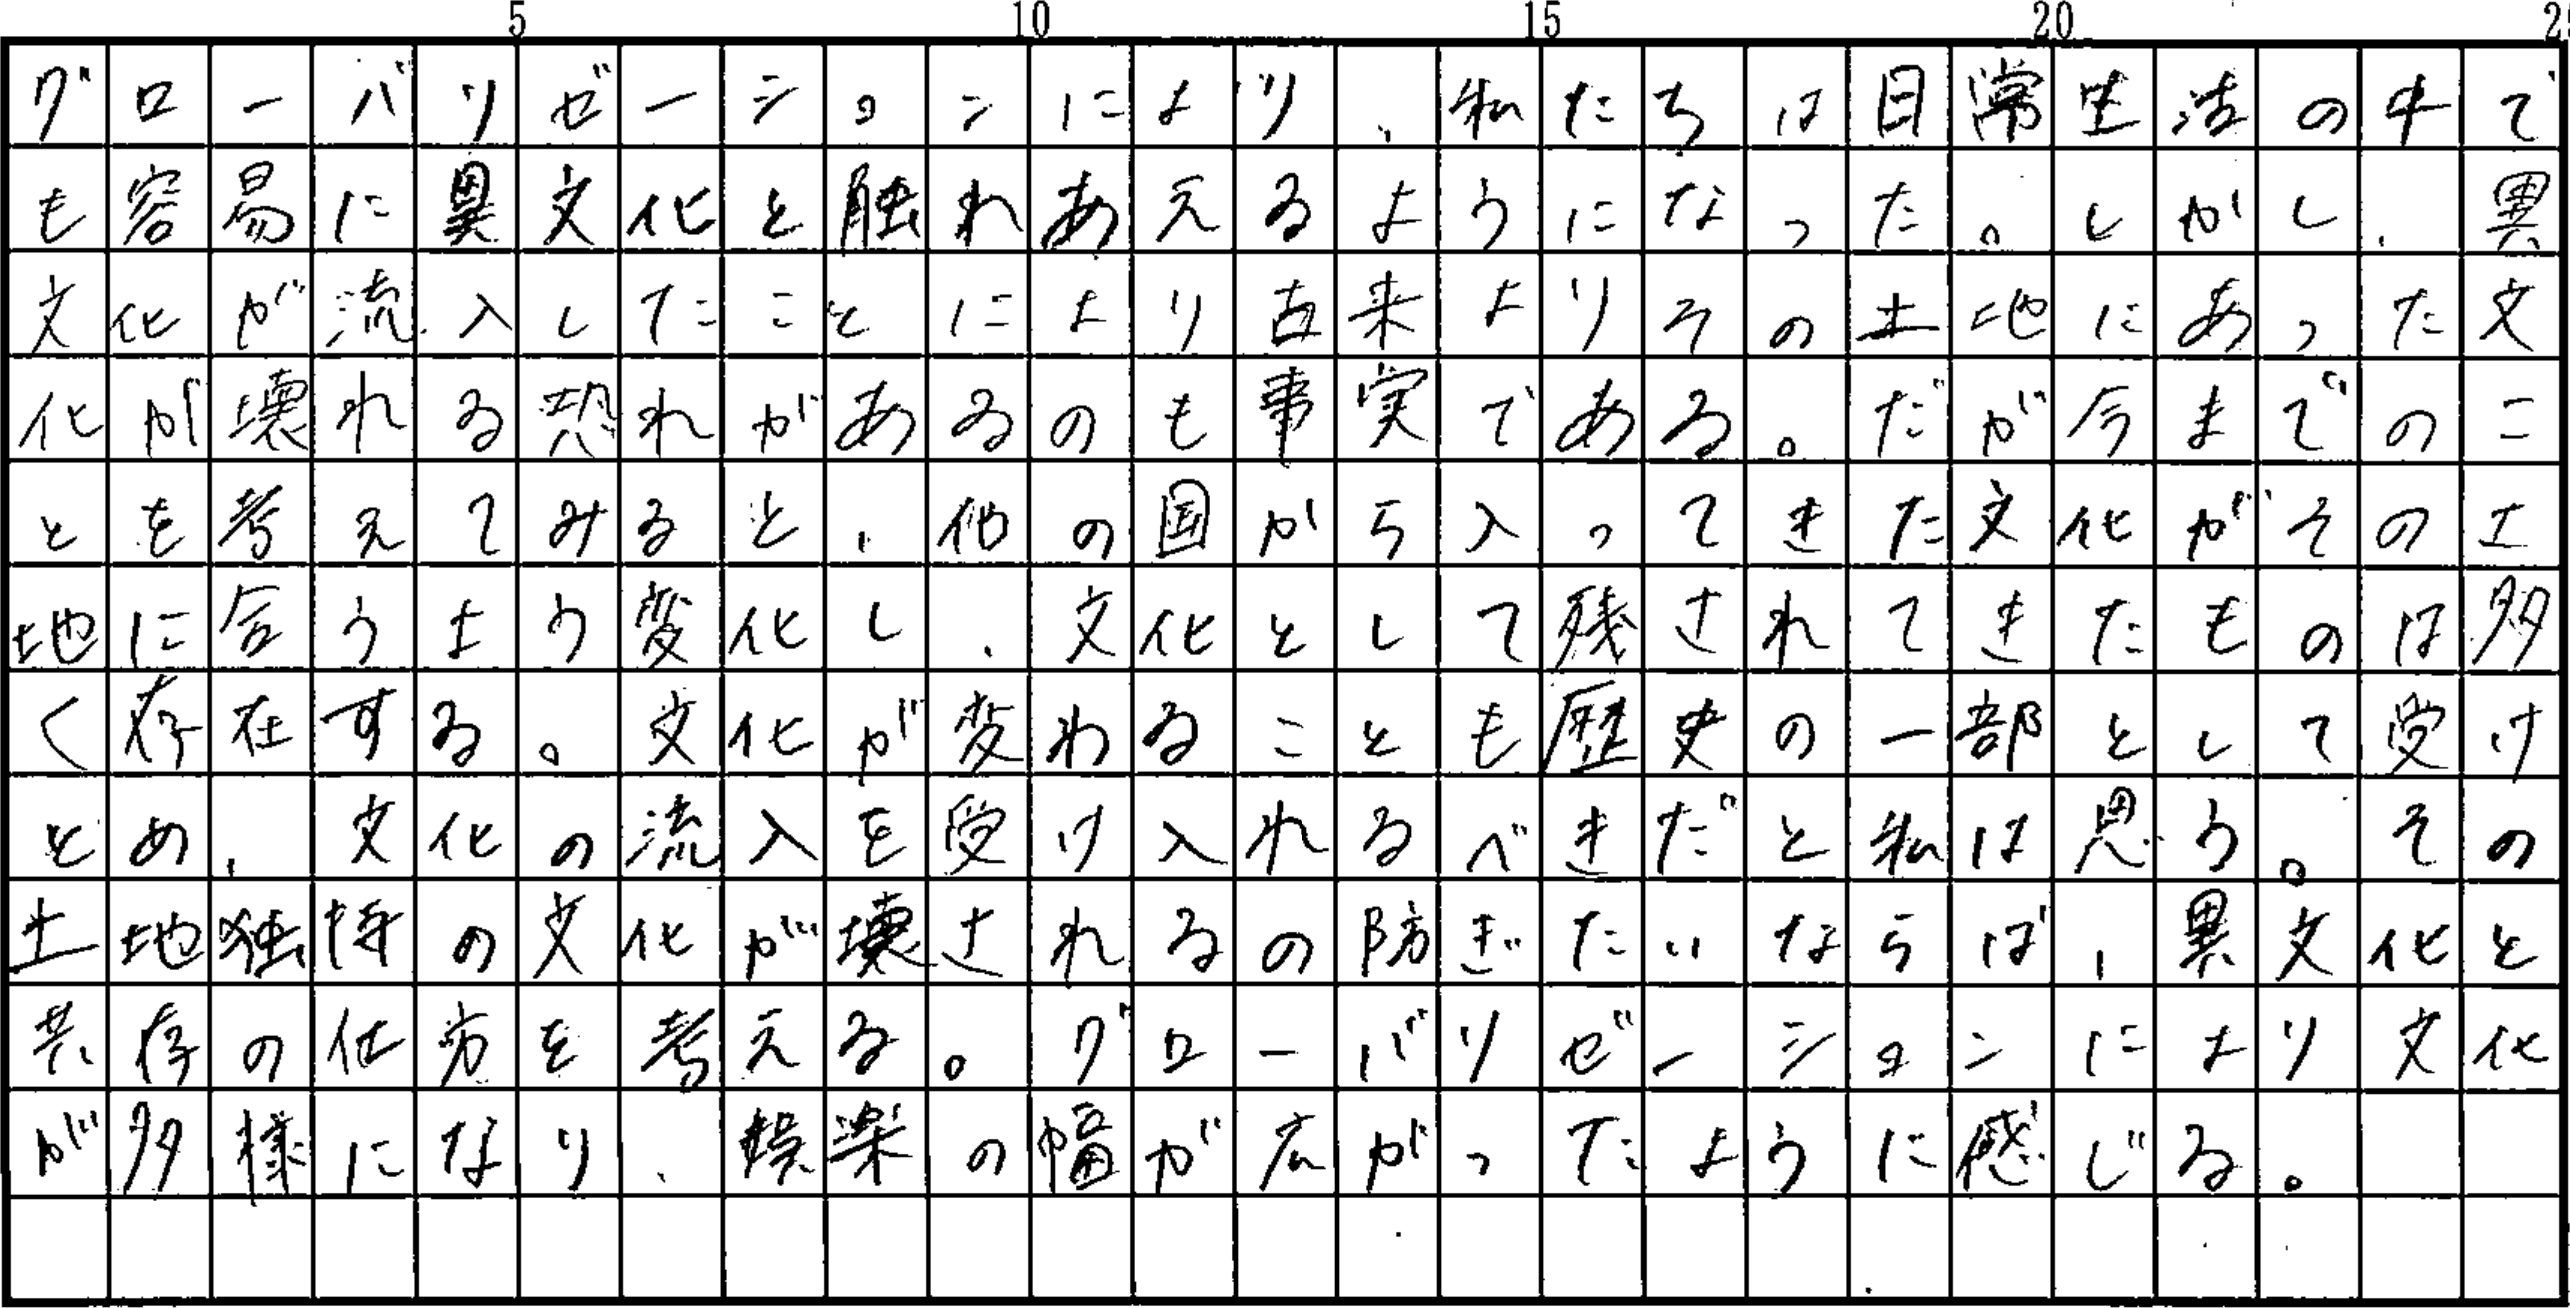グロ－バリゼーションにより、私たちは日常生活の中でも容易に異文化と触れあえるようになった。しかし、異文化が流入したことにより古来よりその土地にあった文化が壊れる恐れがあるのも事実である。だが今までのことを考えてみると、他の国から入ってきた文化がその土地に合うよう変化し、文化として残されてきたものは多く存在する。文化が変わることも歴史の一部として受けとめ、文化の流入を受け入れるべきだと私は思う。その土地独特の文化が壊されるのを防ぎたいならば、異文化と共存の仕方を考える。グロ－バリゼーションにより文化が多様になり、娯楽の幅が広がったように感じる。
